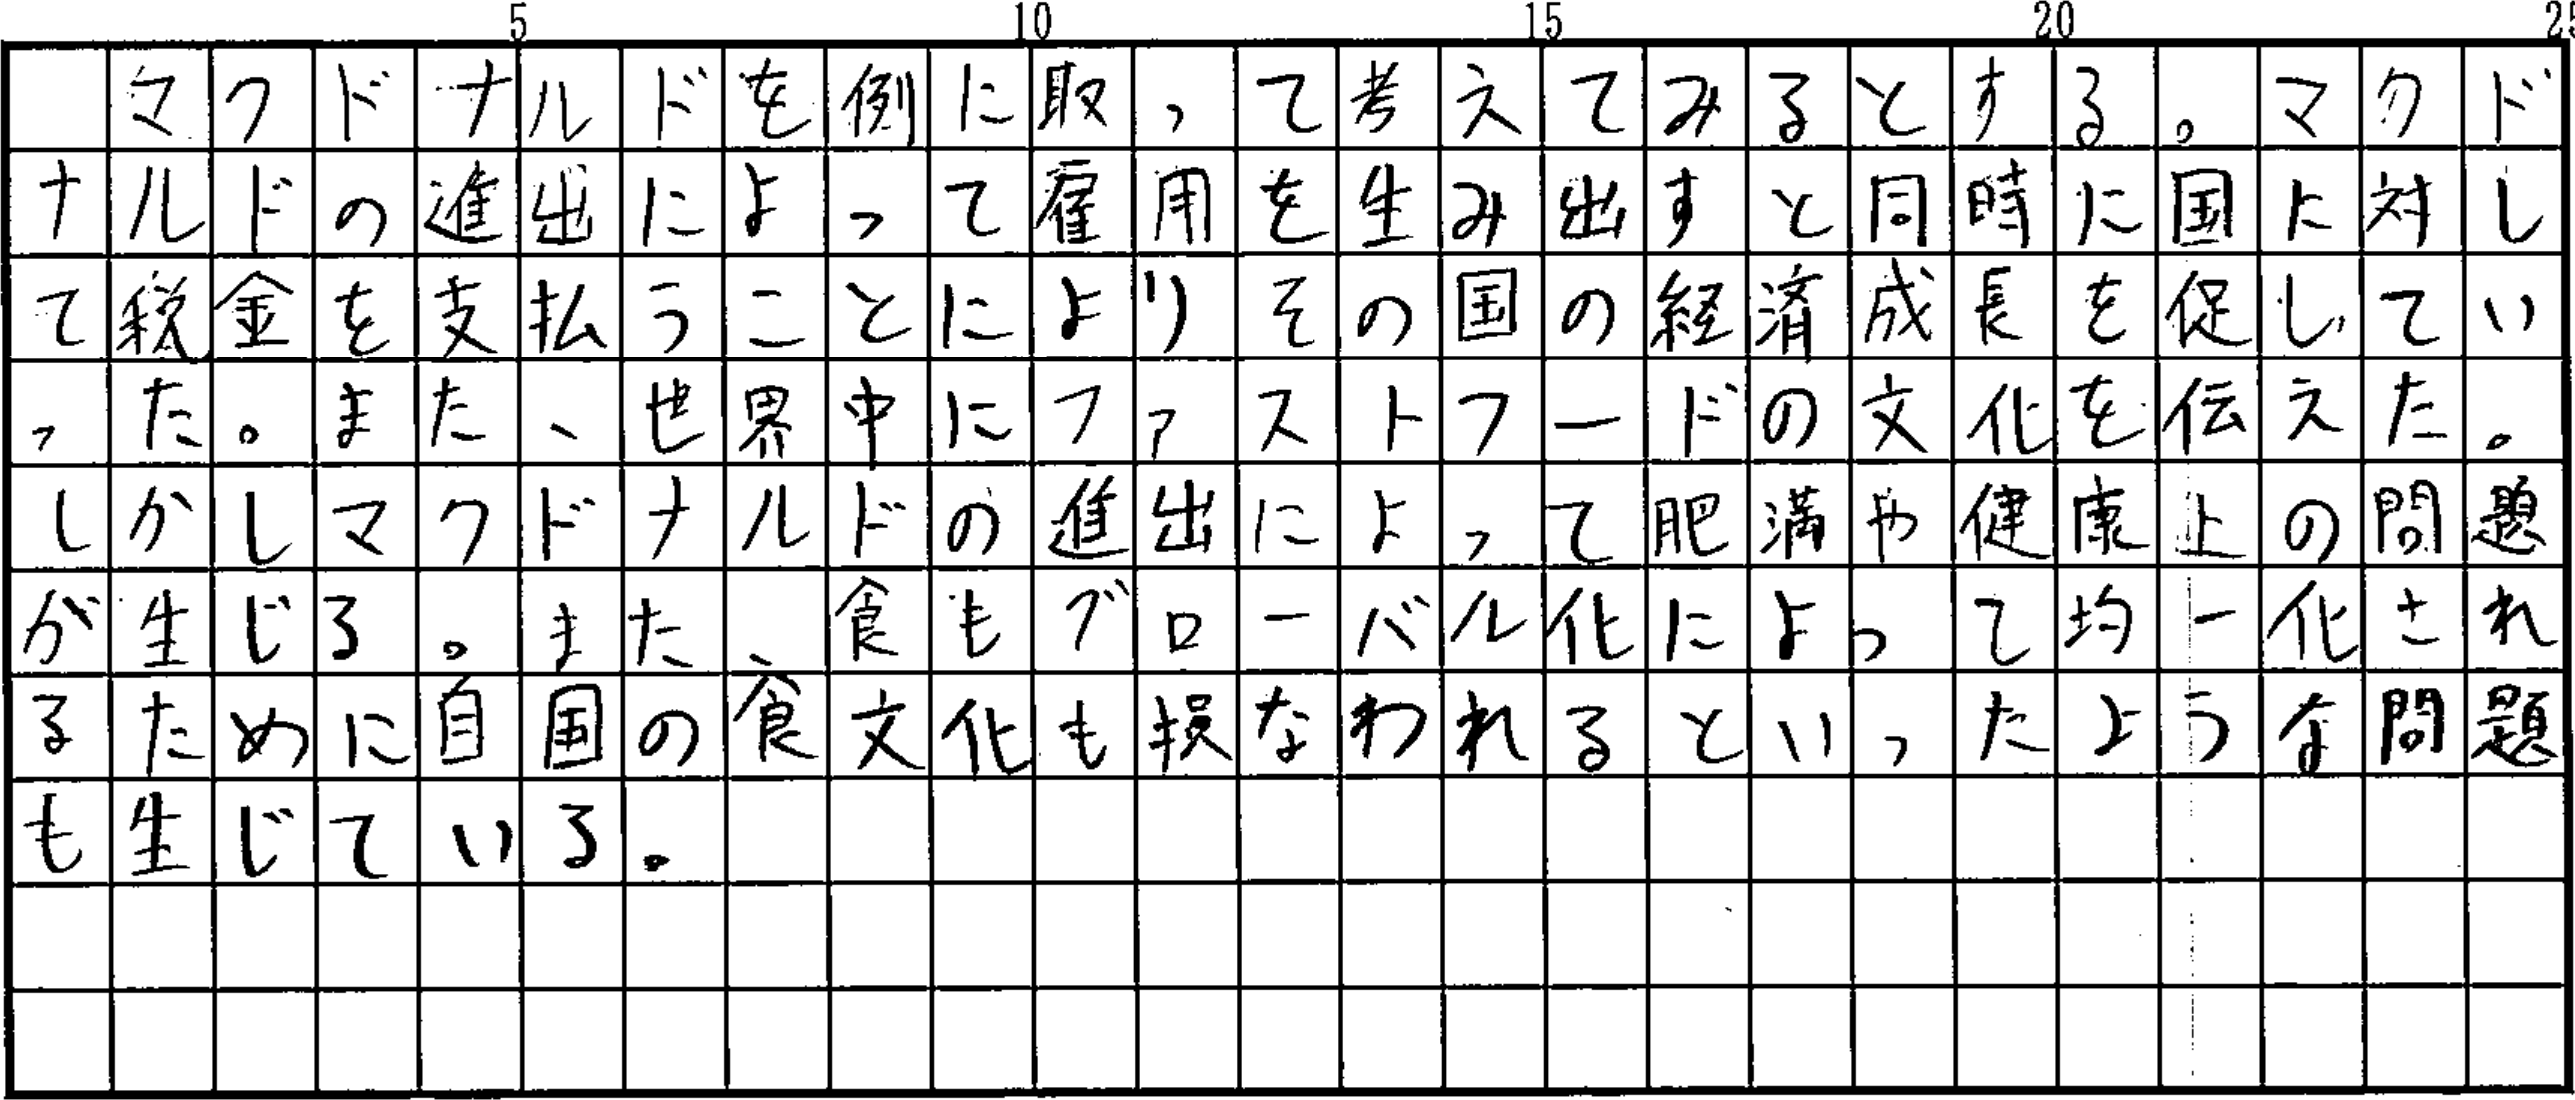　マクドナルドを例に取って考えてみるとする。マクドナルドの進出によって雇用を生み出すと同時に国に対して税金を支払うことによりその国の経済成長を促していった。また、世界中にファストフードの文化を伝えた。しかしマクドナルドの進出によって肥満や健康上の問題が生じる。また、食もグローバル化によって▁一化されるために自国の食文化も損なわれるといったような問題も生じている。
